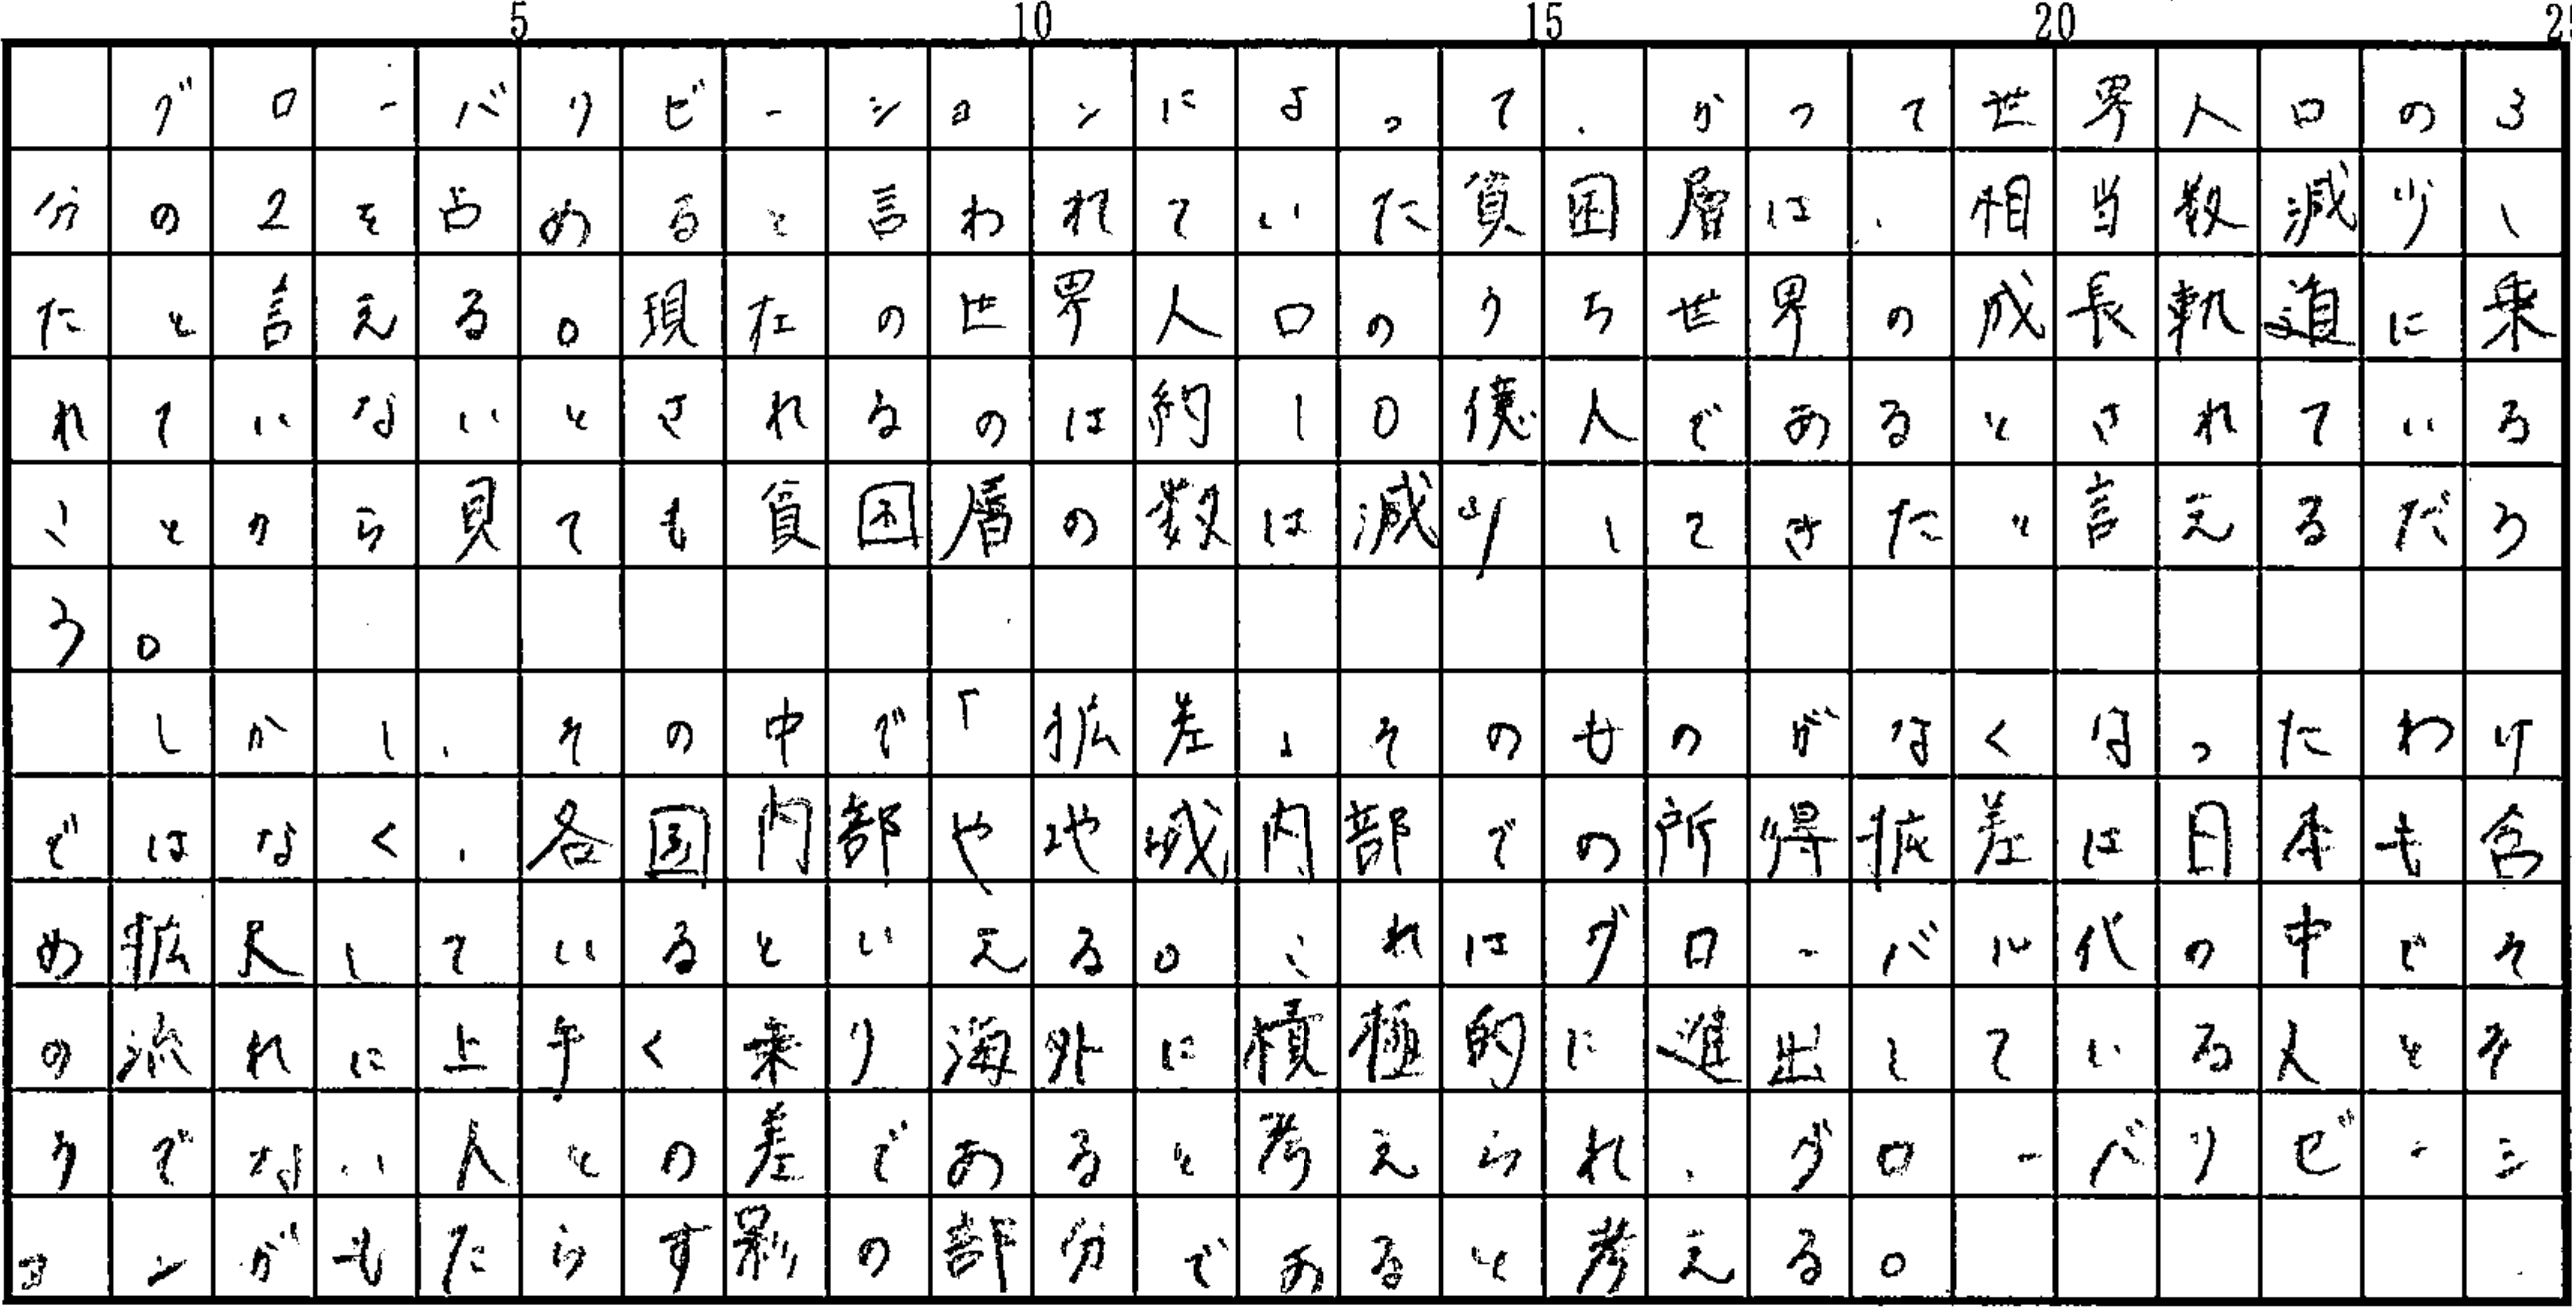　グローバリゼーションによって、かつて世界人口の３分の２を占めると言われていた貧困層は、相当数減少したと言える。現在の世界人口のうち世界の成長軌道に乗れていないとされるのは約１０億人であるとされていることから見ても貧困層の数は減少してきたと言えるだろう。
　しかし、その中で「拡差」そのものがなくなったわけではなく、各国内部や地域内部での所得拡差は日本も含め拡大しているといえる。これはグローバル化の中でその流れに上手く乗り海外に積極的に進出している人とそうでない人との差であると考えられ、グローバリゼーションがもたらす影の部分であると考える。
